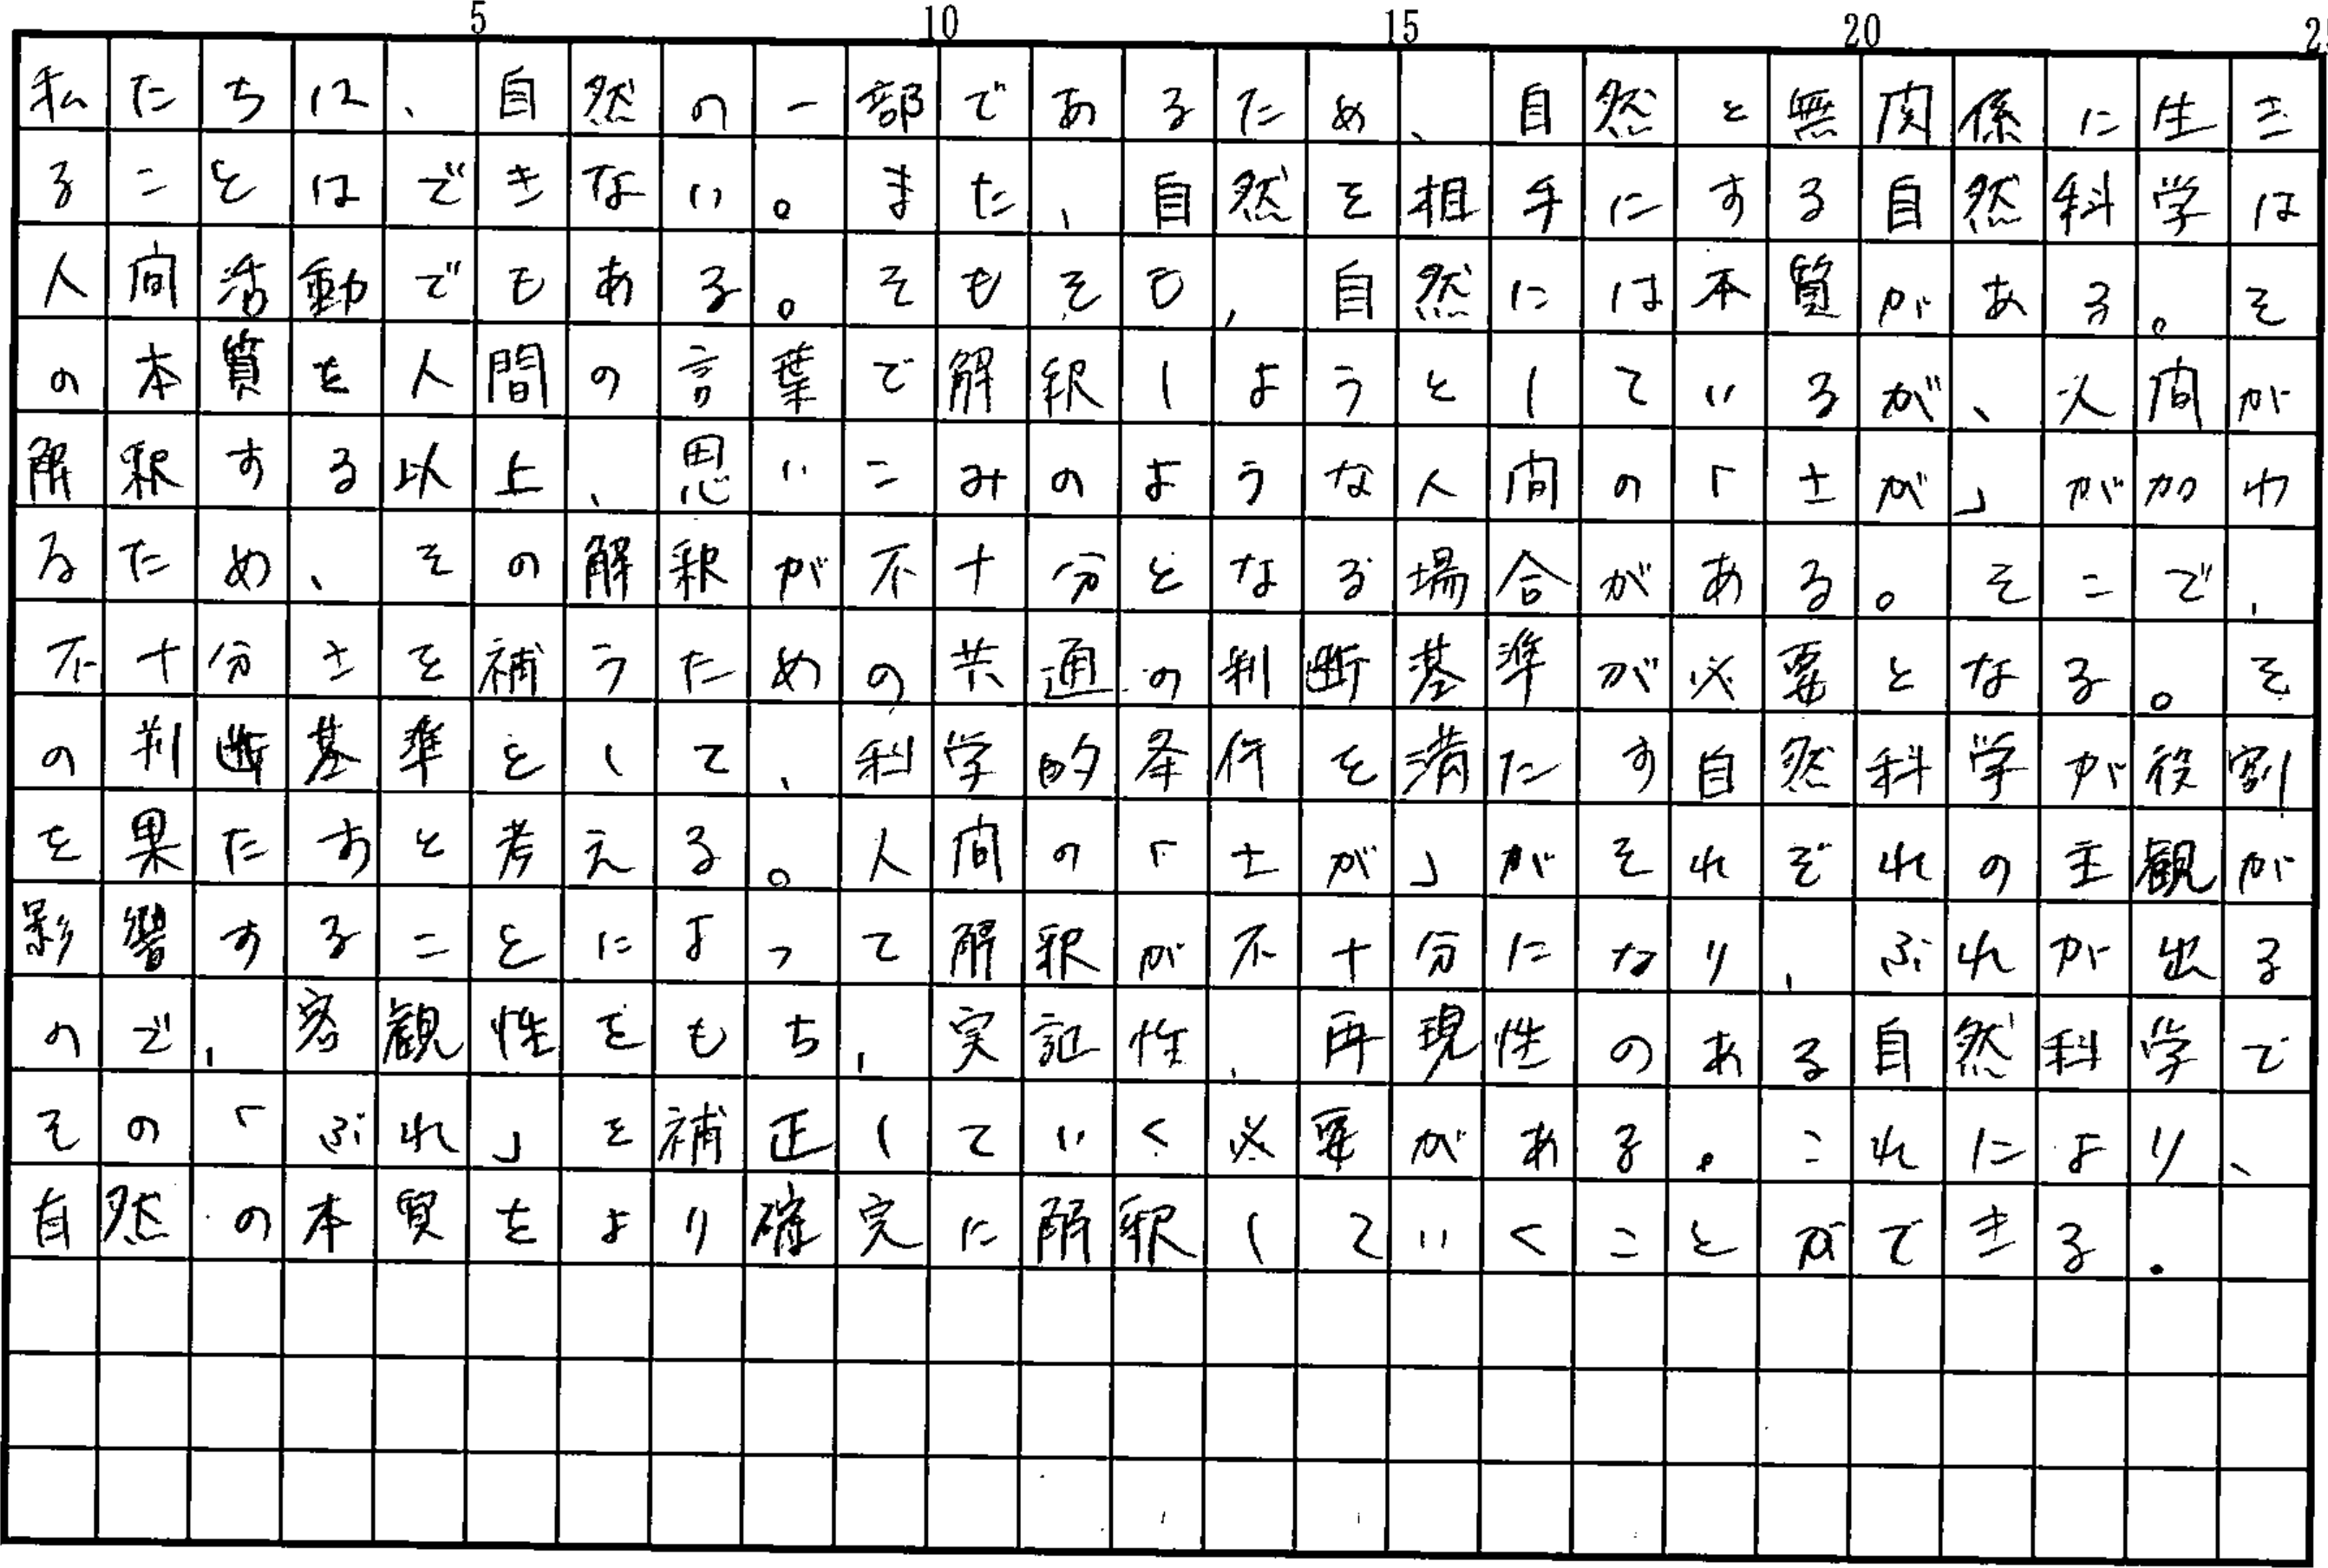私たちは、自然の一部であるため、自然と無関係に生きることはできない。また、自然を相手にする自然科学は人間活動でもある。そもそも、自然には本質がある。その本質を人間の言葉で解釈しようとしているが、人間が解釈する以上、思いこみのような人間の「さが」が加わるため、その解釈が不十分となる場合がある。そこで、不十分さを補うための共通の判断基準が必要となる。その判断基準として、科学的条件を満たす自然科学が役割を果たすと考える。人間の「さが」がそれぞれの主観が影響することによって解釈が不十分になり、ぶれが出るので、客観性をもち、実証性、再現性のある自然科学でその「ぶれ」を補正していく必要がある。これにより、自然の本質をより確実に解釈していくことができる。
